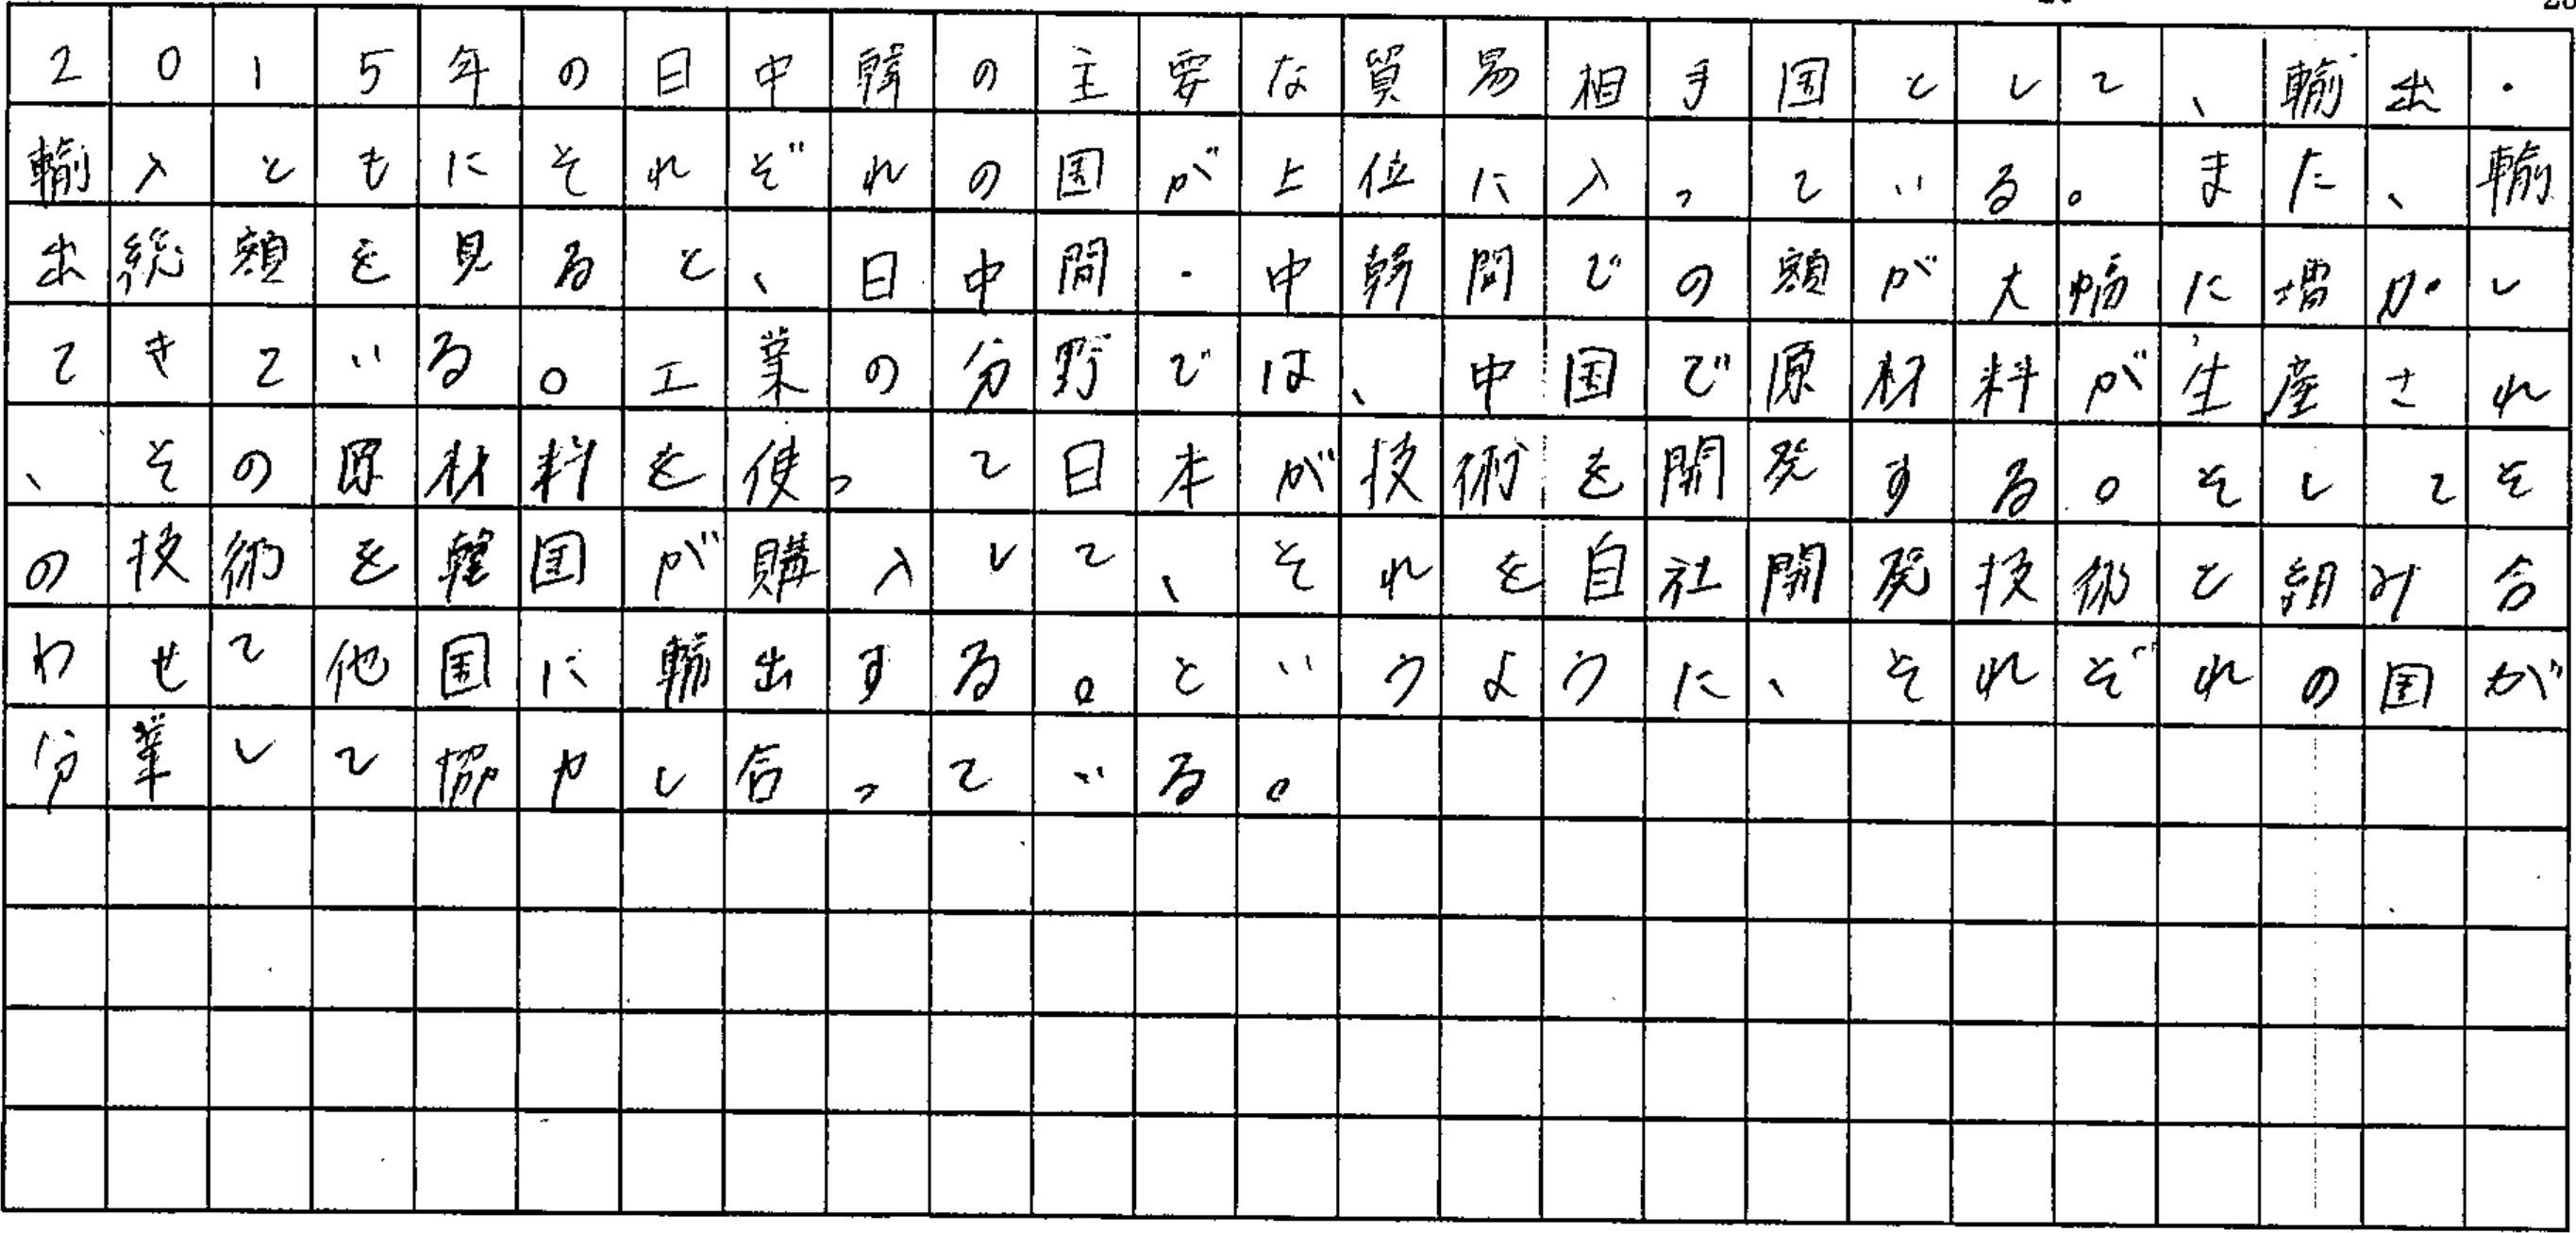２０１５年の日中韓の主要な貿易相手国として、輸出・輸入ともにそれぞれの国が上位に入っている。また、輸出総額を見ると、日中間・中韓間での額が大幅に増加してきている。工業の分野では、中国で原材料が生産され、その原材料を使って日本が技術を開発する。そしてその技術を韓国が購入して、それを自社開発技術と組み合わせて他国に輸出する。というように、それぞれの国が分業して協力し合っている。
